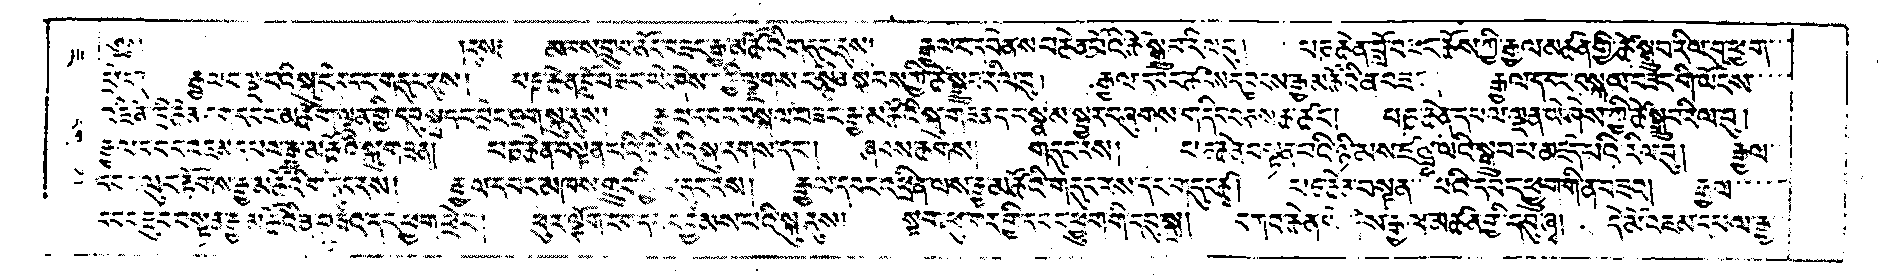༄༅། །རུས༑ མཁས་གྲུབ་ནོར་བཟང་རྒྱ་མཚོའི་གདུང་རུས། རྒྱལ་བ་དབེན་ས་པ་ཆེན་པོའི་ཚེ་སྒྲུབ་རིལ་བུ། པཎ་ཆེན་བློ་བཟང་ཆོས་ཀྱི་རྒྱལ་མཚན་གྱི་ཚེ་སྒྲུབ་རིལ་བུ་ཕྱག་
ཕྲེང༑ རྒྱལ་བ་ལྔ་པའི་སྐུ་བེར་དང་གདུང་རུས། པཎ་ཆེན་བློ་བཟང་ཡེ་ཤེས་ཀྱི་ལྗགས་བསྙེན་སྐབས་ཀྱི་ཚེ་སྒྲུབ་རིལ་བུ། རྒྱལ་དབང་ཚངས་དབྱངས་རྒྱ་མཚོའི་ན་བཟའ། རྒྱལ་དབང་བསྐལ་བཟང་གི་ཡོངས་
འཛིན་ཁྲི་ཆེན་ངག་དབང་མཆོག་ལྡན་གྱི་དབུ་སྐྲ་དང་ཕྲེང་ཐག་སྐུ་རུས། རྒྱལ་དབང་བསྐལ་བཟང་རྒྱ་མཚོའི་སྐུ་གཟན་དང་སྣམ་སྦྱར་བཞུགས་གདིང་བཅས་ཆ་ཚང་། པཎ་ཆེན་དཔལ་ལྡན་ཡེ་ཤེས་ཀྱི་ཚེ་སྒྲུབ་རིལ་བུ།
རྒྱལ་དབང་འཇམ་དཔལ་རྒྱ་མཚོའི་སྐུ་གཟན། པཎ་ཆེན་བསྟན་པའི་ཉི་མའི་སྐུ་རགས་དང་། ཞབས་ཆགས། གདུང་རས། པཎ་ཆེན་བསྟན་པའི་ཉི་མས་ཛམྦྷ་ལའི་སྒྲུབ་པ་མཛད་པའི་རིལ་བུ། རྒྱལ་
དབང་ལུང་རྟོགས་རྒྱ་མཚོའི་གདུང་རས། རྒྱལ་དབང་མཁས་གྲུབ་ཀྱི་གདུང་རས། རྒྱལ་དབང་འཕྲིན་ལས་རྒྱ་མཚོའི་གདུང་རས་དང་གདུང་ཚྭ། པཎ་ཆེན་བསྟན་པའི་དབང་ཕྱུག་གི་ན་བཟའ། རྒྱལ་
དབང་ཐུབ་བསྟན་རྒྱ་མཚོའི་ན་བཟའ་དང་ཕྱག་ཕྲེང་། ཕུར་ལྕོག་ངག་དབང་བྱམས་པའི་སྐུ་རུས། སྟག་ཕུ་གར་གྱི་དབང་ཕྱུག་གི་དབུ་སྐྲ། བཀའ་ཆེན་ཡེ་ཤེས་རྒྱལ་མཚན་གྱི་དབུ་ཞྭ། དེ་མོ་འཇམ་དཔལ་རྒྱ་